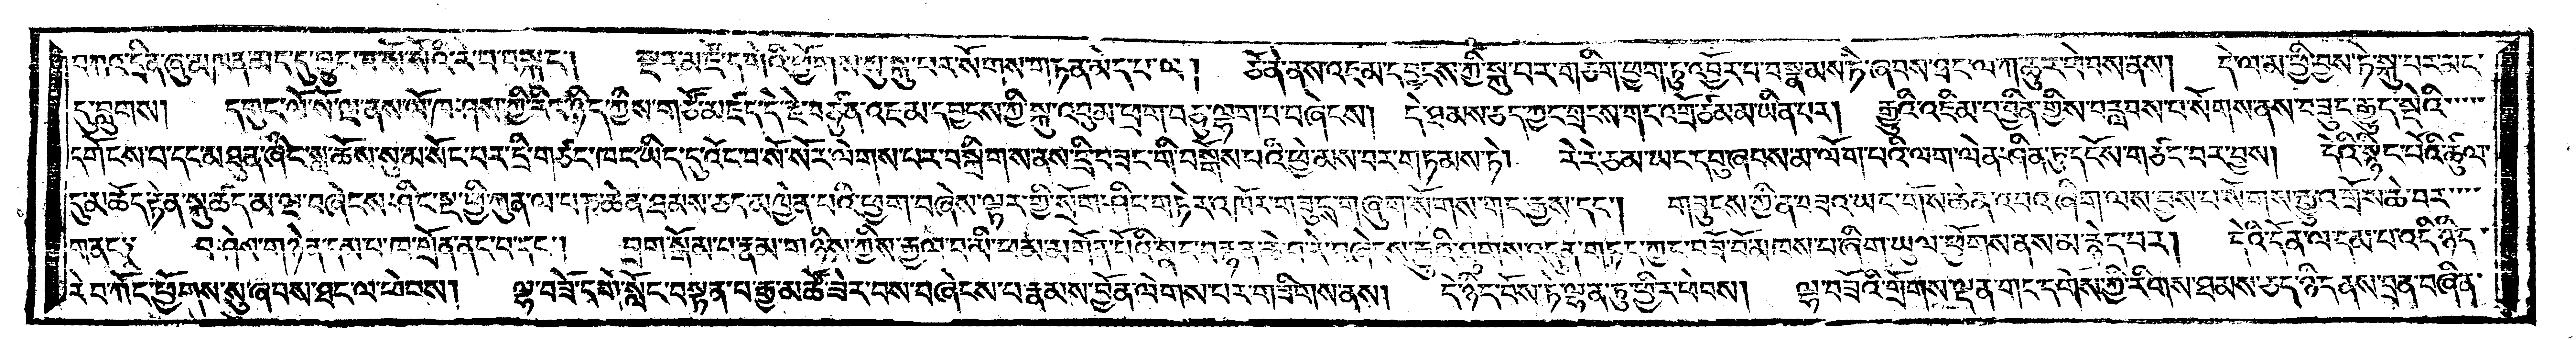བཀའ་དྲིན་ཞུ་མཁན་མང་དུ་བྱུང་བ་སོ་སོའི་ར་བ་བསྐང་། སྔར་མཛོད་དགེའི་ཕྱོགས་སུ་སྐུ་པར་སོགས་གཏན་མེད་པ་ལ། ཅོ་ནེ་ནས་འཇམ་དབྱངས་ཀྱི་སྐུ་པར་གཅིག་ཕྱག་ཏུ་འབྱོར་བ་བསྣམས་ཏེ་ཞབས་ཐང་ལ་ཀ་ཆུར་ཕེབས་ནས། དེ་ལ་མ་ཕྱི་བྱས་ཏེ་སྐུ་པར་མང་
དུ་བླུགས། དགུང་ལོ་ས་ལྔ་ནས་ལོ་ཁ་ཤས་ཀྱི་རིང་ཉིད་ཀྱིས་གཙོ་མཛད་དེ་རྗེ་བཙུན་འཇམ་དབྱངས་ཀྱི་སྐུ་འབུམ་ཕྲག་བཅུ་ལྷག་པ་བཞེངས། དེ་ཐམས་ཅད་ཀྱང་གྲངས་གང་འགྲོ་ཙམ་མ་ཡིན་པར། རྒྱུའི་འཇམ་པ་བྱིན་གྱིས་བརླབས་པ་སོགས་ནས་བཟུང་རྒྱུད་སྡེའི་
དགོངས་པ་དང་མཐུན་ཞིང་སླ་ཆོས་སུ་མ་སོང་བར་དྲི་གཙང་ཁང་ཡིད་དུ་འོང་བ་སོ་སོར་ལེགས་པར་བསྒྲིགས་ནས་དྲི་བཟང་གི་བསྒོས་པའི་ཕྱེ་མས་བར་གཏམས་ཏེ། རེ་རེ་ཙམ་ཡང་དབུ་ཞབས་མ་ལོག་བའི་ལག་ལེན་ཤིན་ཏུ་དངོས་གཙང་བར་བྱས། དེའི་སྙིང་པོའི་ཚུལ་
དུ་མཆོད་རྟེན་སྐུ་ཚད་མ་ལྔ་བཞེངས་ཤིང་སྔ་ཕྱི་ཀུན་ལ་པཎ་ཆེན་ཐམས་ཅད་མཁྱེན་པའི་ཕྱག་བཞེས་ལྟར་གྱི་སྲོག་ཤིང་གཏེར་འཁོར་གཟུངས་གཞུག་སོགས་གང་རྒྱས་དང་། གཟུངས་ཀྱི་ན་བཟའ་ཡང་གོས་ཆེན་འབའ་ཞིག་ལས་བྱས་བ་སོགས་རྒྱུ་འགྲོས་ཆེ་བར་
གནང༑ བཤེས་གཉེན་དམ་པ་ཁ་གྲོན་ནང་བ་དང་། བྲག་སྒོམ་པ་རྣམས་གཉིས་ཀྱིས་རྒྱལ་བ་མི་ཕམ་མགོན་པོའི་སྣང་བརྙན་ཆེ་བ་རེ་བཞེངས་རྒྱུའི་ཐུགས་འདུན་གཏད་ཀྱང་བཟོ་བོ་མཁས་པ་ཞིག་ཡུལ་ཕྱོགས་ནས་མ་རྙེད་པར། དེའི་དོན་ལ་དམ་པ་འདི་ཉིད་
རེ་བཀོང་ཕྱོགས་སུ་ཞབས་ཐང་ལ་ཕེབས། ལྷ་བཟོ་དགེ་སློང་བསྟན་བ་རྒྱ་མཚོ་ཟེར་བས་བཞེངས་པ་རྣམས་བྱོན་ལེགས་པར་གཟིགས་ནས། དེ་ཉིད་བོས་ཏེ་ལྷན་ཏུ་ཕྱིར་ཕེབས། ལྷ་བཟོའི་གྲོགས་ལྡན་གང་དགོས་ཀྱི་རིགས་ཐམས་ཅད་ཉིད་ནས་བྲན་བཞིན་